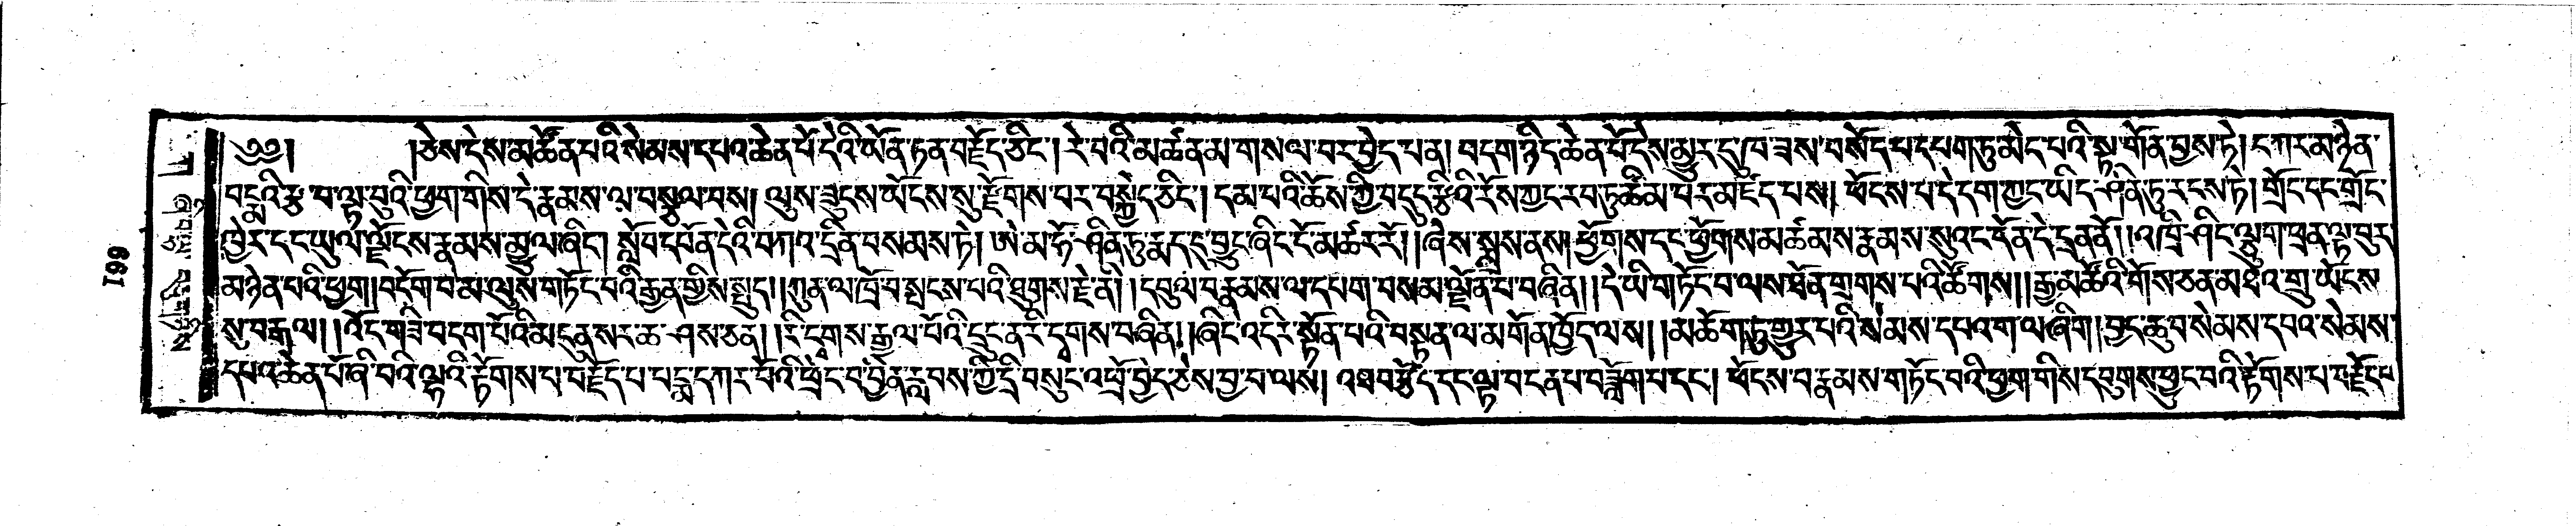༄༅། །ཅེས་དེས་མཚོན་པའི་སེམས་དཔའ་ཆེན་པོ་དེའི་ཡོན་ཏན་བརྗོད་ཅིང་། རེ་བའི་མཚན་མ་གསལ་བར་བྱེད་པ་ན། བདག་ཉིད་ཆེན་པོ་དེས་མྱུར་དུ་ཁ་ཟས་བསོད་པ་དཔག་ཏུ་མེད་པའི་སྟ་གོན་བྱས་ཏེ། དཀར་མཉེན་
པདམའི་རྩ་བ་ལྟ་བུའི་ཕྱག་གིས་དེ་རྣམས་ལ་བསྩལ་བས། ལུས་ཟུངས་ཡོངས་སུ་རྫོགས་པར་བསྐྱེད་ཅིང་། དམ་པའི་ཆོས་ཀྱི་བདུད་རྩིའི་རོས་ཀྱང་རབ་ཏུ་ཚིམ་པར་མཛད་པས། ཕོངས་པ་དེ་དག་ཀྱང་ཡིད་ཤིན་ཏུ་རངས་ཏེ། གྲོང་དང་གྲོང་
ཁྱེར་དང་ཡུལ་ལྗོངས་རྣམས་མྱུལ་ཞིང་། སློབ་དཔོན་དེའི་བཀའ་དྲིན་བསམས་ཏེ། ཨེ་མ་ཧོ་ཤིན་ཏུ་རྨད་དུ་བྱུང་ཞིང་ངོ་མཚར་རོ། །ཞེས་སྨྲས་ནས། ཕྱོགས་དང་ཕྱོགས་མཚམས་རྣམས་སུའང་དོན་དེ་དྲན་ནོ། །འཁྲི་ཤིང་ལྕུག་ཕྲན་ལྟ་བུར་
མཉེན་པའི་ཕྱག །བདོག་པ་མ་ལུས་གཏོང་བའི་རྒྱན་གྱིས་སྤུད། །ཀུན་ལ་ཁྲོ་བ་སྤངས་པའི་ཐུགས་རྗེ་ནི། །དབུལ་བ་རྣམས་ལ་དཔག་བསམ་ལྗོན་པ་བཞིན། །དེ་ཡི་གཏོང་བ་ལས་ཐོན་གྲགས་པའི་ཚོགས། །རྒྱ་མཚོའི་གོས་ཅན་མཐའ་གྲུ་ཡོངས་
སུ་བརྒལ། །འོད་གཟི་བདག་པོའི་མདུན་སར་ཆ་ཤས་ཅན། །རི་དྭགས་རྒྱལ་པོའི་དྲུང་ན་རི་དྭགས་བཞིན། །ཞིང་འདིར་སྟོན་པའི་བསྟན་ལ་མགོན་ཁྱོད་ལས། །མཆོག་ཏུ་གྱུར་པའི་སེམས་དཔའ་ག་ལ་ཞིག །བྱང་ཆུབ་སེམས་དཔའ་སེམས་
དཔའ་ཆེན་པོ་ཞི་བའི་ལྷའི་རྟོགས་པ་བརྗོད་པ་པདམ་དཀར་པོའི་ཕྲེང་བ་བྱིན་རླབས་ཀྱི་དྲི་བསུང་འཕྲོ་བྱེད་ཅེས་བྱ་བ་ལས། འཐབ་རྩོད་དང་ལྟ་བ་ངན་པ་བཟློག་པ་དང་། ཕོངས་པ་རྣམས་གཏོང་བའི་ཕྱག་གིས་དབུགས་ཕྱུང་བའི་རྟོགས་པ་བརྗོད་པ་